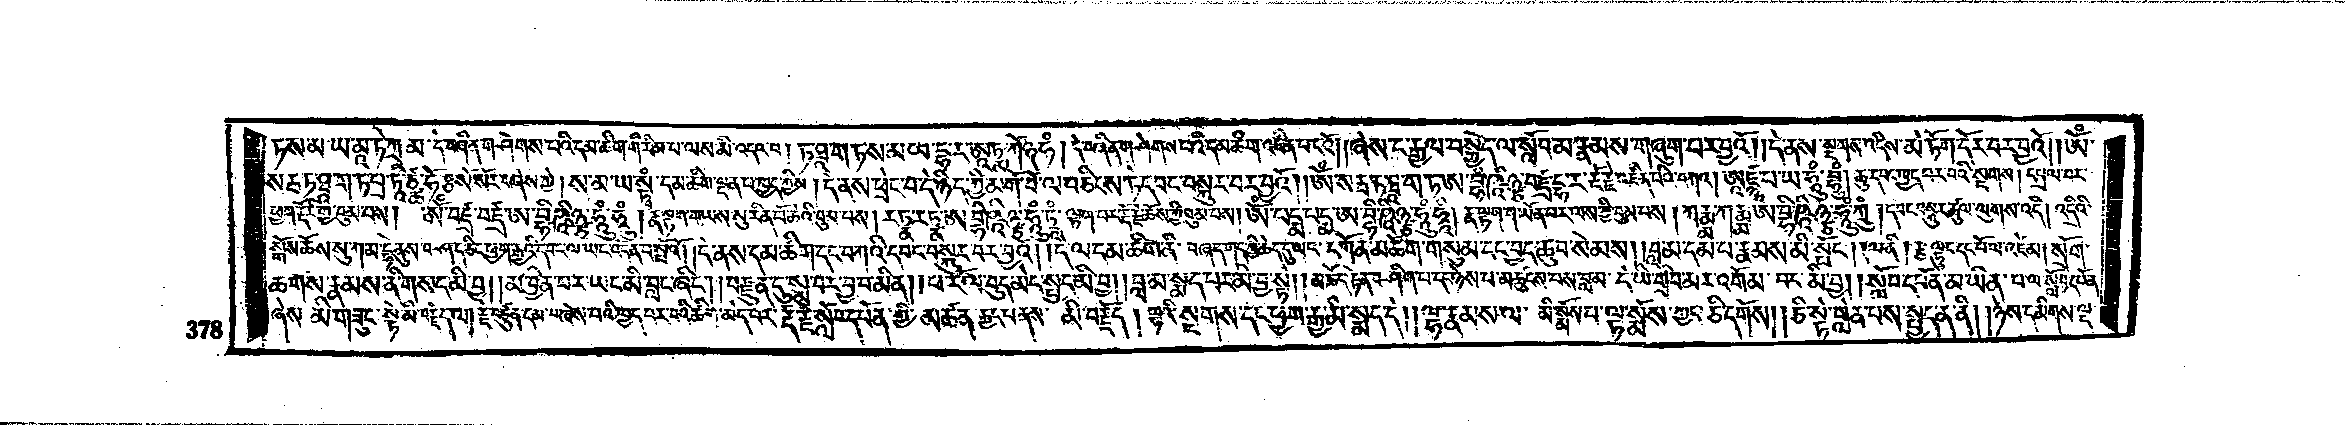ཏ་ས་མ་ཡ་མཱ་ཏི་ཀྲ་མ་དེ་བཞིན་གཤེགས་པའི་དམ་ཚིག་གི་རིམ་པ་ལས་མི་འདའ་བ། ཏ་ཐཱ་ག་ཏ་ས་མ་ཡ་དྷ་ར་ཨཱཏྨ་ཀོཉཧཾ། དེ་བཞིན་གཤེགས་པའི་དམ་ཚིག་འཛིན་པར་འོ། །ཞེས་ང་རྒྱལ་བསྐྱེད་ལ་སློབ་མ་རྣམས་གཞུག་པར་བྱའོ། །དེ་ནས་སྔགས་འདིས་མེ་ཏོག་དོར་བར་བྱའོ། །ཨོཾ་
སརྦ་ཏ་ཐཱ་ག་ཏ་པྲ་ཏཱི་ཙྪ་ཧོཿ སོ་སོར་བཞེས་ཀྱེ། ས་མ་ཡ་སྟཾ་དམ་ཚིག་ལྡན་པ་ཁྱད་ཀྱིས། དེ་ནས་ཕྲེང་བ་དེ་ཉིད་ཀྱི་མགོ་བོ་ལ་བཅིངས་ཏེ་དབང་བསྐུར་བར་བྱའོ། །ཨོཾ་སརྦ་ཏ་ཐཱ་ག་ཏ་ཨ་བྷཾ་ཥཱིཉྩ་བཛྲ་དྷ་ར་རྡོ་རྗེ་འཛིན་པའི་བཀའ། ཨཱ་བཛྙ་པ་ཡ་ཧཱུཾ་བྷྲུཾ། ཆུ་དབང་ཁྱད་པར་བའི་སྔགས། དབྲལ་བར་
ཕྱག་རྡོར་གྱི་བུམ་པས། ཨོཾ་བཛྲ་བཛྲ་ཨ་བྷིཥཱི་ཉྩ་ཧཱུཾ་ཧཱུཾ། རྣ་ལྟག་གཡས་སུ་རིན་པོ་ཆེའི་བུམ་པས། རཏྣ་རཏྣ་ཨབྷི་ཥཱིཉྩ་ཧཱུཾ་ཏྲཱཾ་ལྟག་པར་རྡོ་རྗེ་ཆོས་ཀྱི་བུམ་པས། ཨོཾ་པདམ་པདམ་ཨ་བྷི་ཥཱིཉྩ་ཧཱུཾ་ཧྲའི། རྣ་ལྟག་གཡོན་པར་ལས་ཀྱི་བུམ་པས། ཀརྨྨ་ཀརྨྨ་ཨ་བྷི་ཥཱིཉྩ་ཧཱུཾ་ཀྲུཾ། དབང་བསྐུར་ཆུལ་ལུགས་འདི། འདིའི་
སྒོས་ཆོས་སུ་ཀ་མ་དྷེ་ནུས་བཤད་ཅིང་ཕྱག་རྒྱའི་དབང་ལ་ཡང་འདོན་པ་སྤོའོ། །དེ་ནས་དམ་ཚིག་དང་བཀའི་དབང་བསྐུར་བར་བྱའོ། །དེ་ལ་དམ་ཚིག་ནི་བཞད་གད་ཀྱི་ཆེད་དུ་ཡང་དཀོན་མཆོག་གསུམ་དང་བྱང་ཆུབ་སེམས། །བླ་མ་དམ་པ་རྣམས་མི་སྤོང་། ། ལ་ནཾ། རྩ་ལྟུང་དང་པོ་ལ་འཛེམ། སྲོག་
ཆགས་རྣམས་ནི་གསད་མི་བྱ། །མ་བྱིན་པར་ཡང་མི་བླང་ཞིང་། །བརྫུན་དུ་སྨྲ་བར་བྱ་བ་མིན། །ཕ་རོལ་བུད་མེད་སྤྱད་མི་བྱ། །བླ་མ་སྨད་པར་མི་བྱ་སྟེ། །མཆོད་རྟེན་བཤིག་པ་དང་ཉེས་པ་མཚུངས་པས་བླ་མ་དེ་ཡི་གྲིབ་མར་འགོམ་པར་མི་བྱ། །སློབ་དཔོན་མ་ཡིན་པ་ལ་སློབ་དཔོན་
ཞེས་མི་གཟུང་སྟེ་མི་བརྗེད་ལ། རྗེ་བཙུན་དམ་པ་ཞེས་པའི་ཁྱད་པར་བའི་ཚིག་མེད་པར་རྡོ་རྗེ་སློབ་དཔོན་གྱི་མཚན་རྐྱང་པ་ནས་མི་བརྗོད། ལྷའི་སྔགས་དང་ཕྱག་རྒྱ་མི་སྨད་དེ། །ལྷ་རྣམས་ལ་མི་སྨོས་པ་ལྟ་སྨོས་ཀྱང་ཅི་དགོས། །ཅི་སྟེ་གླེན་པས་སྤྱད་ན་ནི། །ཉེས་དམིགས་ལྔ་